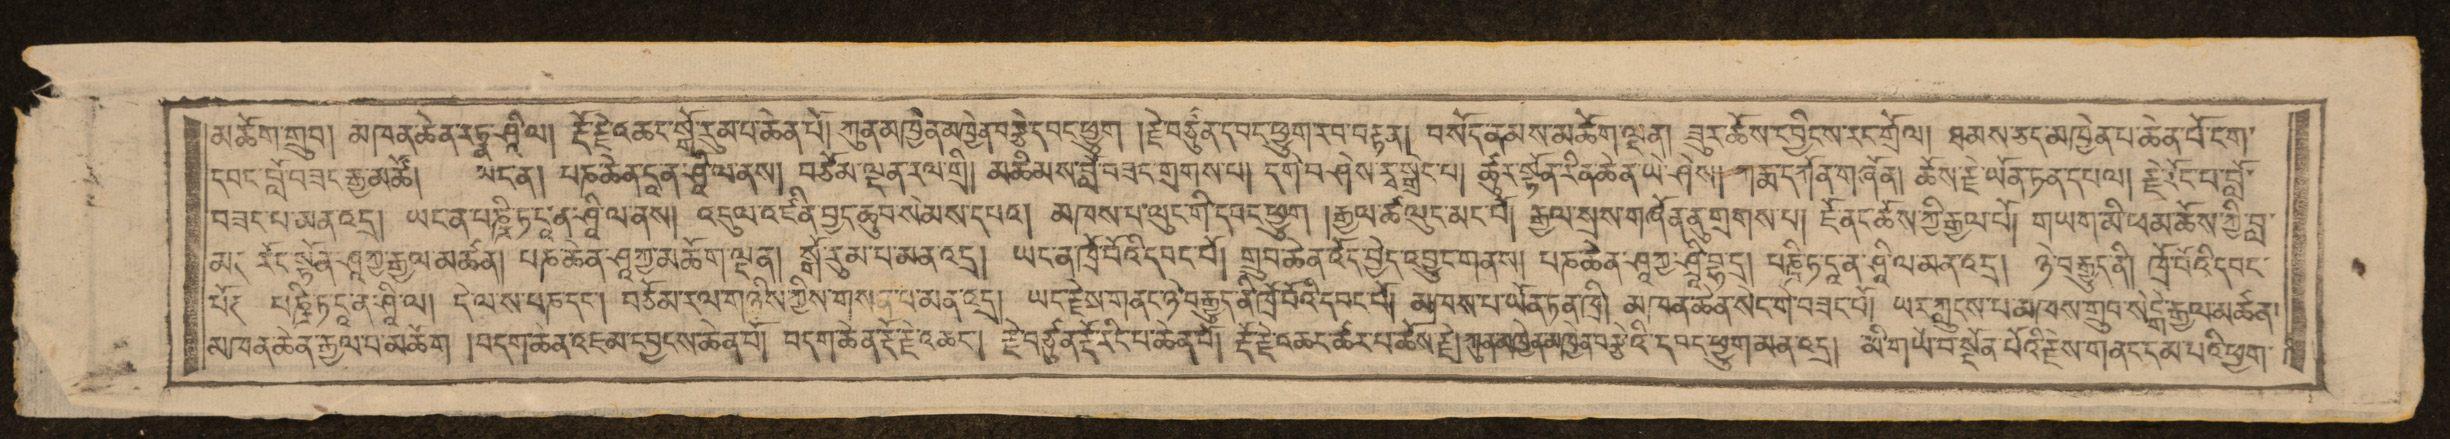མཆོག་གྲུབ། མཁན་ཆེན་རཏྣ་ཤཱི་ལ། རྡོ་རྗེ་འཆང་སྒོ་རུམ་པ་ཆེན་པོ། ཀུན་མཁྱེན་མཁྱེན་བརྩེ་དབང་ཕྱུག། །རྗེ་བཙུན་དབང་ཕྱུག་རབ་བརྟན། བསོད་ནམས་མཆོག་ལྡན། ཟུར་ཆོས་དབྱིངས་རང་གྲོལ། ཐམས་ཅད་མཁྱེན་པ་ཆེན་པོ་ངག་
དབང་བློ་བཟང་རྒྱ་མཚོ། ཡང་ན། པཎ་ཆེན་དཱ་ན་ཤཱི་ལ་ནས། བཅོམ་ལྡན་རལ་གྲི། མཆིམས་བློ་བཟང་གྲགས་པ། དགེ་བཤེས་རྭ་སྒྲེང་པ། ཚུར་སྟོན་རིན་ཆེན་ཡེ་ཤེས། ཀརྨ་དཀོན་གཞོན། ཆོས་རྗེ་ཡོན་ཏན་དཔལ། རྗེ་རོང་པ་བློ་
བཟང་པ་མན་འདྲ། ཡང་ན་པཎྜི་ཏ་པཱན་ཤཱི་ལ་ནས། འདུལ་འཛིན་བྱང་ཆུབ་སེམས་དཔའ། མཁས་པ་ལུང་གི་དབང་ཕྱུག། །རྒྱལ་ཚ་ལུང་མང་པོ། རྒྱལ་སྲས་གཞོན་ནུ་གྲགས་པ། ཇོ་ནང་ཆོས་ཀྱི་རྒྱལ་པོ། གཡག་མི་ཕམ་ཆོས་ཀྱི་བླ་
མ༑ རོང་སྟོན་ཤཱཀྱ་རྒྱལ་མཚན། པཎ་ཆེན་ཤཱཀྱ་མཆོག་ལྡན། སྒོ་རུམ་པ་མན་འདྲ། ཡང་ན་ཁྲོ་བོའི་དབང་པོ། གྲུབ་ཆེན་འོད་བྱེད་འབྱུང་ངས། པཎ་ཆེན་ཤཱཀྱ་ཤྲཱི་བྷ་དྲ། པཎྜི་ཏ་དཱ་ན་ཤཱི་ལ་མན་འདྲ། ཉེ་བརྒྱུད་ནི། ཁྲོ་བོའི་དབང་
པོ༑ པཎྜི་ཏ་དཱ་ན་ཤཱི་ལ། དེ་ལ་ས་པཎ་དང་། བཅོམ་རལ་གཉིས་ཀྱིས་གསན་པ་མན་འདྲ། ཡང་རྗེས་གནང་ཉེ་བརྒྱུད་ནི་ཁྲོ་བོའི་དབང་པོ། མཁས་པ་ཡོན་ཏན་ཁྲི། མཁན་ཆེན་སེང་གེ་བཟང་པོ། ཡར་ཀླུངས་པ་མཁས་གྲུབ་སེངྒེ་རྒྱལ་མཚན།
མཁན་ཆེན་རྒྱལ་བ་མཆོག །བདག་ཆེན་འཇམ་དབྱངས་ཆེན་པོ། བདག་ཆེན་རྡོ་རྗེ་འཆང་། རྗེ་བཙུན་རྡོ་རིང་པ་ཆེན་པོ། རྡོ་རྗེ་འཆང་ཚར་པ་ཆོས་རྗེ། ཀུན་མཁྱེན་མཁྱེན་བརྩེའི་དབང་ཕྱུག་མན་འདྲ། མི་གཡོ་བ་སྔོན་པོའི་རྗེས་གནང་དམ་པའི་ཕྱག་